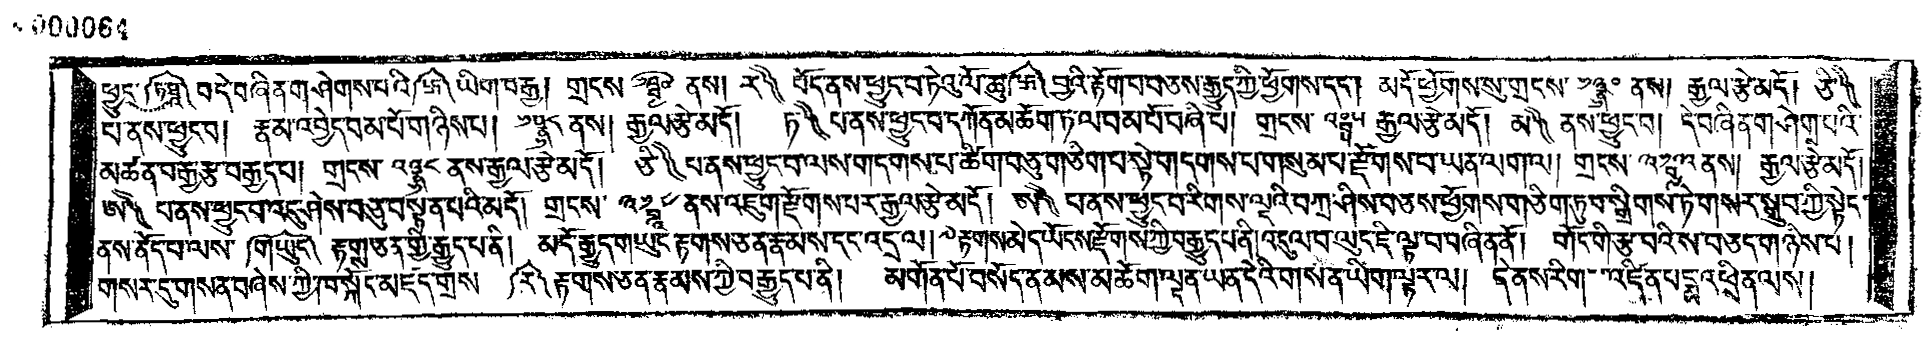ཕྱུང་༼ཏ་ཐཱ༽་བ་དེ་བཞིན་གཤེགས་པའི་?་ཡིག་བརྒྱ། གྲངས་?་ནས། ར༼༽ བོད་ནས་ཕྱུང་བ་ཏེའུ་ལོ་ཆུ་?་བྱའི་རྟོག་པ་བཅས་རྒྱུད་ཀྱི་ཕྱོགས་དང་། མདོ་ཕྱོགས་སུ་གྲངས ༡༣༠ན༦?་ནས། རྒྱལ་རྩེ་མདོ། ཅི༼༽
པ་ནས་ཕྱུང་བ། རྣམ་འབྱེད་བམ་པོ་གཉིས་པ། ༡༥༨ན༦་ནས། རྒྱལ་རྩེ་མདོ། ཏ༼༽ པ་ནས་ཕྱུང་བ་དཀོན་མཆོག་ཏ་ལ་བམ་པོ་བཞི་པ། གྲངས ༢༠༥བ༥་རྒྱལ་རྩེ་མདོ། མ༼༽ ནས་ཕྱུང་བ། དེ་བཞིན་གཤེགས་པའི་
མཚན་བརྒྱ་རྩ་བརྒྱད་པ། གྲངས ༢༢༨ན༦་ནས་རྒྱལ་རྩེ་མདོ། ཅི༼༽ པ་ནས་ཕྱུང་བ་ལས་གདགས་པ་ཚིག་བཅུ་གཅིག་པ་སྟེ་གདགས་པ་གསུམ་པ་རྫོགས་པ་ཡན་ལག་ལ། གྲངས ༣༡༣བ༦་ནས། རྒྱལ་རྩེ་མདོ།
ཨ༼༽ པ་ནས་ཕྱུང་བ་འདུ་ཤེས་བཅུ་བསྟན་པའི་མདོ། གྲངས ༣༩༤བ༣་ནས་འཇུག་རྫོགས་པར་རྒྱལ་རྩེ་མདོ། ཨ༼༽ པ་ནས་ཕྱུང་བ་རིགས་ལྔའི་བཀྲ་ཤིས་བཅས་ཕྱོགས་གཅིག་ཏུ་བསྒྲིགས་ཏེ་གསར་སྒྲུབ་ཀྱི་སྟེང་
ནས་ནོད་པ་ལས ༼གཡུང༽ རྟགས་ཅན་གྱི་རྒྱུད་པ་ནི། མདོ་རྒྱུད་གཡུང་རྟགས་ཅན་རྣམས་དང་འདྲ་ལ། ༧་རྟགས་མེད་ཡོངས་རྫོགས་ཀྱི་བརྒྱུད་པ་ནི། འདུལ་བ་ལུང་ཇི་ལྟ་བ་བཞིན་ནོ། གོང་གི་རྩ་བའི་ས་བཅད་གཉིས་པ།
གསར་དུ་གསན་བཞེས་ཀྱི་ཁ་སྐོང་མཛད་གྲས ༼ར༽ རྟགས་ཅན་རྣམས་ཀྱི་བརྒྱུད་པ་ནི། མགོན་པོ་བསོད་ནམས་མཆོག་ལྡན་ཡན་དེའི་གསན་ཡིག་ལྟར་ལ། དེ་ནས་རིག་འཛིན་པདམ་འཕྲིན་ལས།